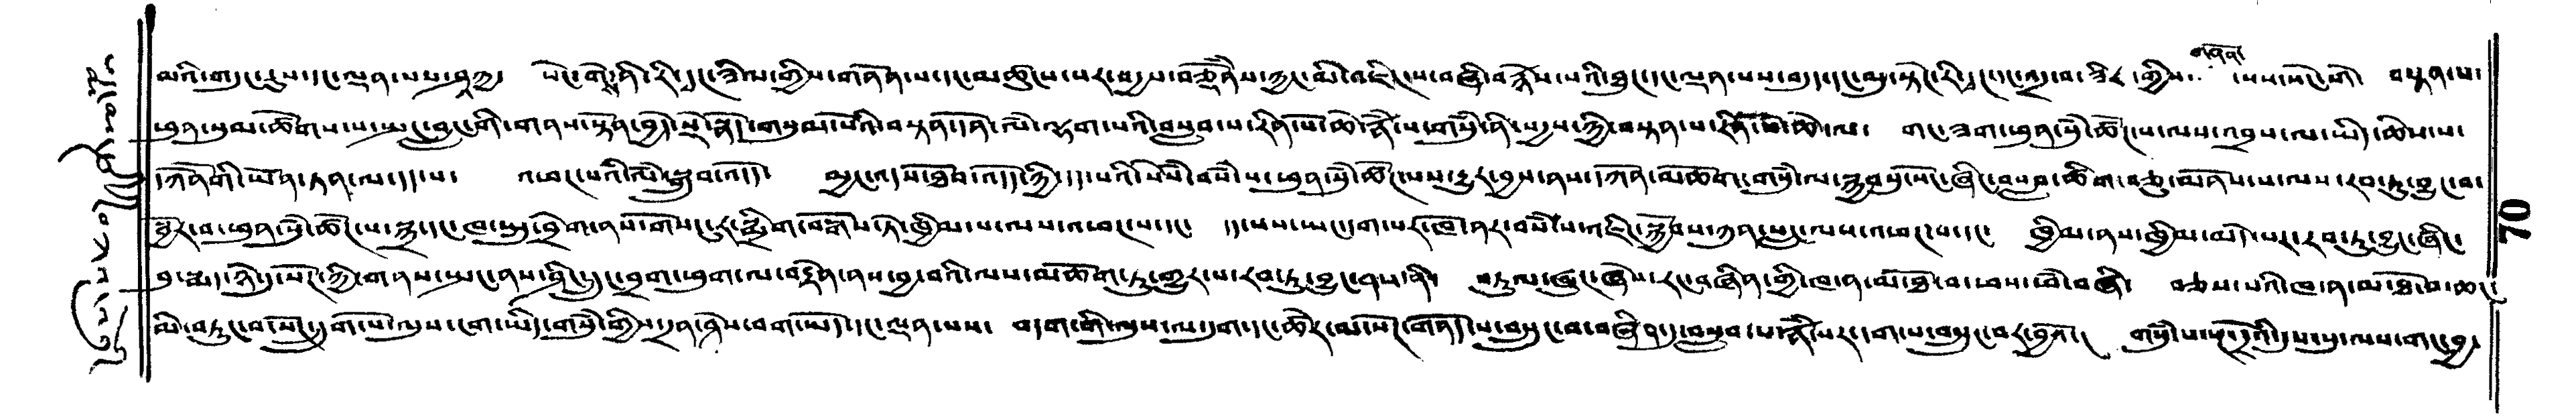མའི་གདུང་རུས་དང་ལྡན་པས་ཤཱཀྱ། སེང་གེས་ནི་རི་དྭགས་ཟིལ་གྱིས་གནོན་པ་དང་མཚུངས་པར་སངས་རྒྱས་བཅོམ་ལྡན་འདས་ཀྱང་མི་འཇིགས་པ་བཞི་བརྙེས་པའི་ཐུགས་དང་ལྡན་པས་བདུད་དང་མུ་སྟེགས་རི་དྭགས་དང་འདྲ་བ་ཟིལ་གྱིས་གནོན་པས་སེང་གེ བསྟན་པ་
ཕུན་སུམ་ཚོགས་པ་སྤང་བླང་གི་གནས་སྟོན་བྱེད་སྡེ་སྣོད་གསུམ་པོའི་བསྟན་དོན་ལམ་ལྷག་པའི་བསླབ་པ་རིན་པོ་ཆེ་རྣམ་པ་གསུམ་ནི་སངས་རྒྱས་ཀྱི་བསྟན་པ་རིན་པོ་ཆེ་ལ། གང་ཟག་ཕུན་སུམ་ཚོགས་པ་ལས་འབྲས་ལ་ཡིད་ཆེས་པ། 
དཀོན་མཆོག་གི་ཡོན་ཏན་ལ་དད་པ། འཕགས་པའི་ལམ་སྒྲུབ་འདོད། མྱང་འདས་ཐོབ་འདོད་ཀྱི་དད་པའི་སེམས་བསམ་པ་ཕུན་སུམ་ཚོགས་པས་རྒྱུ་བྱས་ནས་དཀོན་མཆོག་གསུམ་ལ་སྐྱབས་སུ་སོང་ཞིང་བསླབ་ཚིགས་བཅུ་ནོས་པ་ལས་རབ་ཏུ་བྱུང་བ། 
སྦྱོར་བ་ཕུན་སུམ་ཚོགས་པ་སྐྲ་དང་ཁ་སྤུ་བྲེགས་ནས་གོས་ངུར་སྨྲིག་བགོས་ཏེ་ཁྱིམ་པ་ལས་འཕགས་པ་དང་། དད་པས་ཡང་དག་པ་ཁོ་ནར་བསམ་པ་འཇིགས་སྐྱོབས་ཀྱི་ཀུན་སློང་ལས་འཕགས་པ་དང་། ཁྱིམ་ནས་ཁྱིམ་མེད་པར་རབ་ཏུ་བྱུང་ཞིང་
བུ་སྨད་ཉེ་དུ་སོགས་ཀྱི་གནས་སྤངས་ནས་ཤིང་དྲུང་དང་བྲག་ཕུག་ལ་བརྟེན་ནས་བྱ་བའི་ལས་མཆོག་ཏུ་གྱུར་པ་རབ་ཏུ་བྱུང་ནས་ནི། བརྟུལ་ཞུགས་ཞེས་རང་བཞིན་གྱི་ཁ་ན་མ་ཐོ་བ་ཕས་ཕམ་བཞི། བཅས་པའི་ཁ་ན་མ་ཐོ་བ་ཆང་
མི་བཏུང་བ་སོགས་དྲུག་པོ་ལུས་ངག་ཡིད་གསུམ་གྱིས་དྲན་ཤེས་བག་ཡོད་དང་ལྡན་པས་བདག་གི་ལུས་ལ་དུག་དང་ཚེར་མ་སོགས་གནོད་པ་བསྲུང་བ་བཞིན་དུ་བསླབ་པ་རྣམ་པར་དག་པ་བསྲུང་བར་བྱའོ།གསུམ་པ་སྔ་དྲོའི་དུས་སུ་ལས་གང་བྱ་